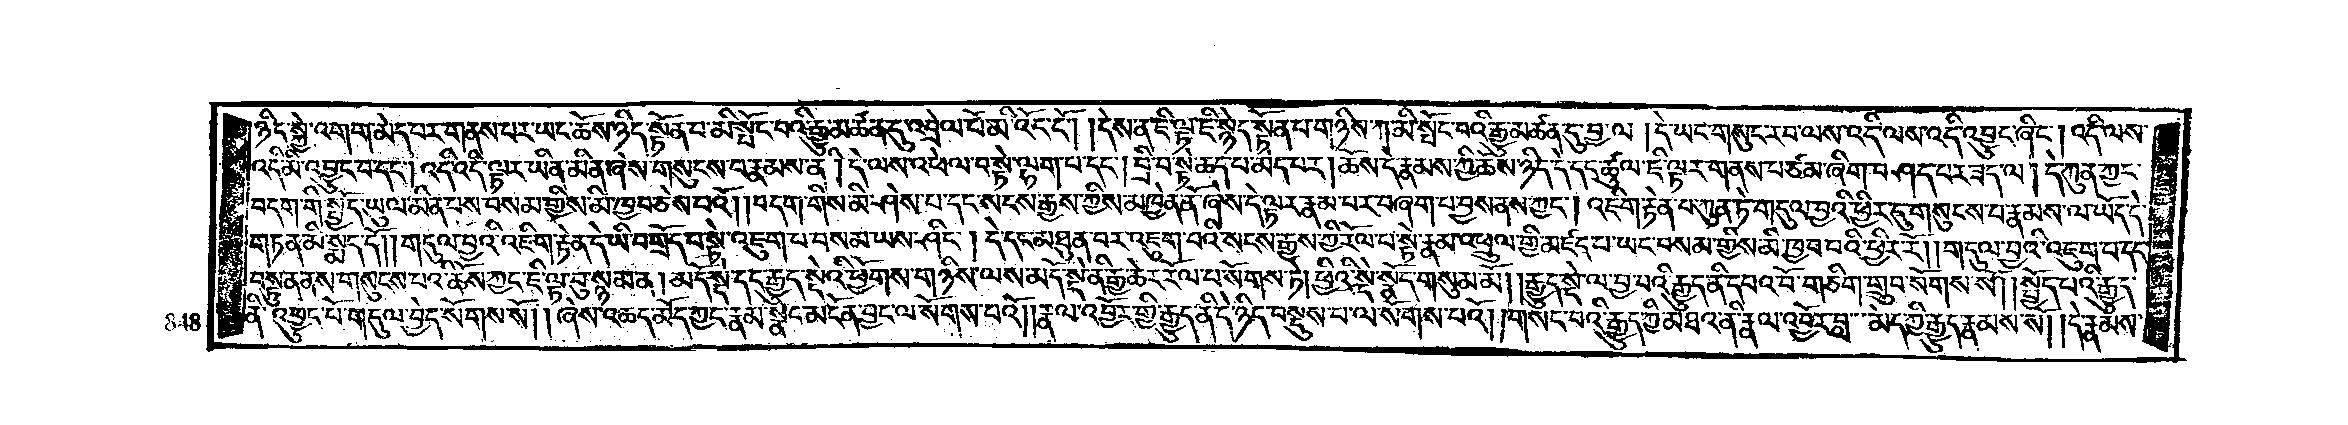ཉིད་སྐྱེ་འགག་མེད་པར་གནས་པར་ཡང་ཆོས་ཉིད་སྟོན་པ་མི་སྤོང་བའི་རྒྱུ་མཚན་དུ་འབྲེལ་པོ་མི་འོང་ངོ། །དེས་ན་ཇི་ལྟ་ཇི་སྙེད་སྟོན་པ་གཉིས་ཀ་མི་སྤོང་བའི་རྒྱུ་མཚན་དུ་བྱ་ལ། དེ་ཡང་གསུང་རབ་ལས་འདི་ལས་འདི་འབྱུང་ཞིང་། འདི་ལས་
འདི་མི་འབྱུང་བ་དང་། འདི་འདི་ལྟར་ཡིན་མིན་ཞེས་གསུངས་པ་རྣམས་ནི། དེ་ལས་འཕེལ་བ་སྟེ་ལྷག་པ་དང་། བྲི་བ་སྟེ་ཆད་པ་མེད་པར། ཆོས་དེ་རྣམས་ཀྱི་ཆོས་ཉིད་དེ་དང་ཚུལ་ཇི་ལྟར་གནས་པ་ཙམ་ཞིག་བཤད་པར་ཟད་ལ། དེ་ཀུན་ཀྱང་
བདག་གི་སྤྱོད་ཡུལ་མིན་པས་བསམ་གྱིས་མི་ཁྱབ་ཅེས་པའོ། །བདག་གིས་མི་ཤེས་པ་དང་སངས་རྒྱས་ཀྱིས་མཁྱེན་ནོ་ཞེས་དེ་ལྟར་རྣམ་པར་བཞག་པ་བྱས་ནས་ཀྱང་། འཇིག་རྟེན་པ་ཀུན་ཏེ་གདུལ་བྱའི་ཕྱིར་དུ་གསུངས་པ་རྣམས་ལ་ཡོད་དེ་
གཏན་མི་སྨད་དོ། །གདུལ་བྱའི་འཇིག་རྟེན་དེ་ཡི་བགྲོད་པ་སྟེ་འཇུག་པ་བསམ་ཡས་ཤིང་། དེ་དང་མཐུན་པར་འཇུག་པའི་སངས་རྒྱས་ཀྱི་རོལ་པ་སྟེ་རྣམ་འཕྲུལ་གྱི་མཛད་པ་ཡང་བསམ་གྱིས་མི་ཁྱབ་པའི་ཕྱིར་རོ། །གདུལ་བྱའི་འཇུག་པ་དང་
བསྟུན་ནས་གསུངས་པའི་ཆོས་ཀྱང་ཇི་ལྟ་བུ་སྙམ་ན། མདོ་སྡེ་དང་རྒྱུད་སྡེའི་ཕྱོགས་གཉིས་ལས་མདོ་སྡེ་ནི་རྒྱ་ཆེར་རོལ་པ་སོགས་ཏེ། ཕྱིའི་སྡེ་སྣོད་གསུམ་མོ། །རྒྱུད་སྡེ་ལ་བྱ་བའི་རྒྱུད་ནི་དཔའ་བོ་གཅིག་གྲུབ་སོགས་སོ། །སྤྱོད་པའི་རྒྱུད་
ནི་འབྱུང་པོ་གདུལ་བྱེད་སོགས་སོ། །ཞེས་འཆད་མོད་ཀྱང་རྣམ་སྣང་མངོན་བྱང་ལ་སོགས་པའོ། །རྣལ་འབྱོར་གྱི་རྒྱུད་ནི་དེ་~ཉིད་བསྡུས་པ་ལ་སོགས་པའོ། །གསང་བའི་རྒྱུད་ཀྱི་མཐའ་ནི་རྣལ་འབྱོར་བླ་མེད་ཀྱི་རྒྱུད་རྣམས་སོ། །དེ་རྣམས་